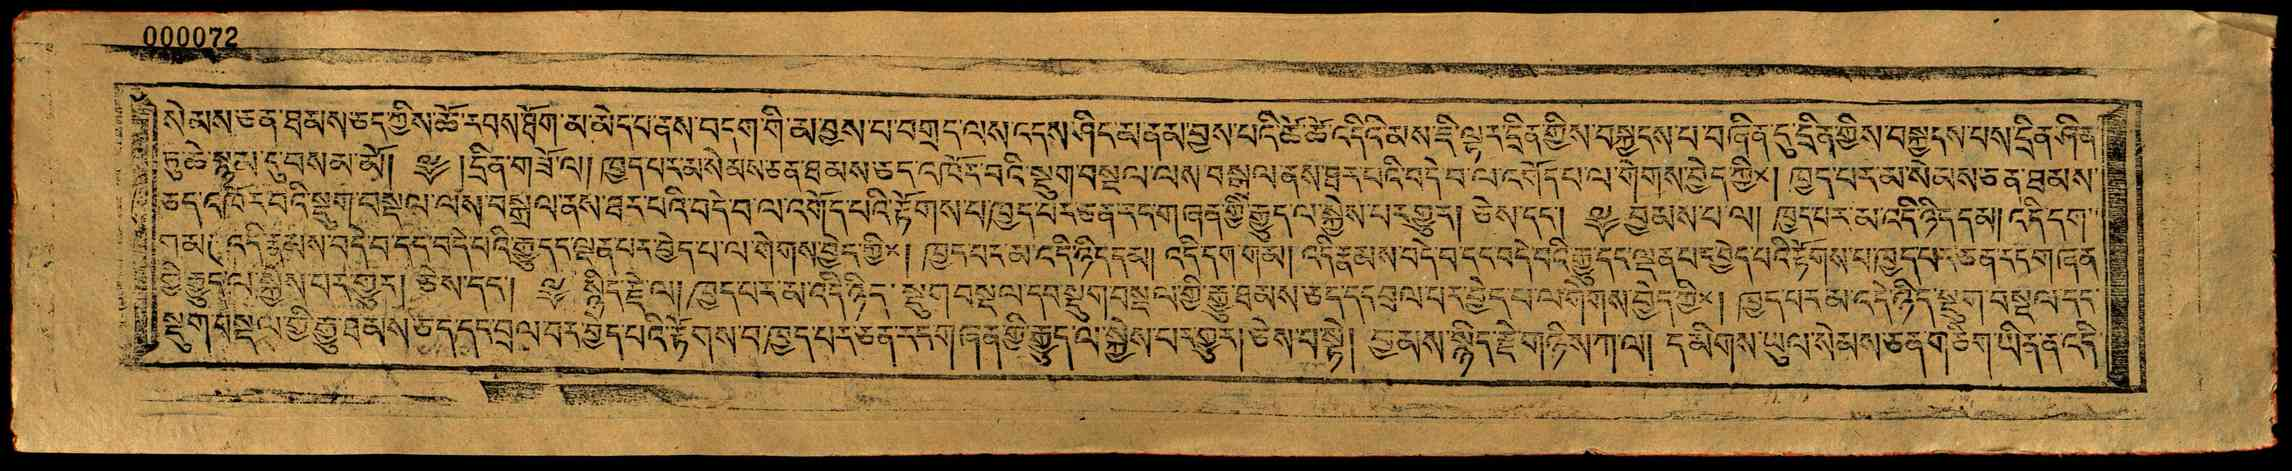སེམས་ཅན་ཐམས་ཅད་ཀྱིས་ཚེ་རབས་ཐོག་མ་མེད་པ་ནས་བདག་གི་མ་བྱས་པ་བགྲང་ལས་འདས་ཤིང་མ་ནམ་བྱས་པའི་ཚེ་ཚེ་འདིའི་མས་ཇི་ལྟར་དྲིན་གྱིས་བརྐྱངས་པ་བཞིན་དུ་དྲིན་གྱིས་བསྐྱངས་པས་དྲིན་ཤིན་
ཏུ་ཆེ་སྙམ་དུ་བསམ་མོ། ༈ །དྲིན་གཟོ་ལ། ཁྱད་པར་མ་སེམས་ཅན་ཐམས་ཅད་འཁོར་བའི་སྡུག་བསྔལ་ལས་བསྒྲལ་ནས་ཐར་པའི་བདེ་བ་ལ་འགོད་པ་ལ་གེགས་བྱེད་ཀྱི་྾། ཁྱད་པར་མ་སེམས་ཅན་ཐམས་
ཅད་འཁོར་བའི་སྡུག་བསྔལ་ལས་བསྒྲལ་ནས་ཐར་པའི་བདེ་བ་ལ་འགོད་པའི་རྟོགས་པ་ཁྱད་པར་ཅན་རང་གཞན་གྱི་རྒྱུད་ལ་སྐྱེས་པར་གྱུར། ཅེས་དང་། ༈ བྱམས་པ་ལ། ཁྱད་པར་མ་འདི་ཉིད་དམ། འདི་དག་
གམ། འདི་རྣམས་བདེ་བ་དང་བདེ་བའི་རྒྱུ་དང་ལྡན་པར་བྱེད་པ་ལ་གེགས་བྱེད་ཀྱི་྾། ཁྱད་པར་མ་འདི་ཉིད་དམ། འདི་དག་གམ། འདི་རྣམས་བདེ་བ་དང་བདེ་བའི་རྒྱུ་དང་ལྡན་པར་བྱེད་པའི་རྟོགས་པ་ཁྱད་པར་ཅན་རང་གཞན་
གྱི་རྒྱུད་ལ་སྐྱེས་པར་གྱུར། ཅེས་དང་། ༈ སྙིང་རྗེ་ལ། ཁྱད་པར་མ་འདི་ཉིད་སྡུག་བསྔལ་དང་སྡུག་བསྔལ་གྱི་རྒྱུ་ཐམས་ཅད་དང་བྲལ་བར་བྱེད་པ་ལ་གེགས་བྱེད་ཀྱི་྾། ཁྱད་པར་མ་འདི་ཉིད་སྡུག་བསྔལ་དང་
སྡུག་བསྔལ་གྱི་རྒྱུ་ཐམས་ཅད་དང་བྲལ་བ་འབྱེད་པའི་རྟོགས་པ་ཁྱད་པར་ཅན་རང་གཞན་གྱི་རྒྱུད་ལ་སྐྱེས་པར་གྱུར། ཅེས་པ་སྟེ། བྱམས་སྙིང་རྗེ་གཉིས་ཀ་ལ། དམིགས་ཡུལ་སེམས་ཅན་གཅིག་ཡིན་ན་འདི་